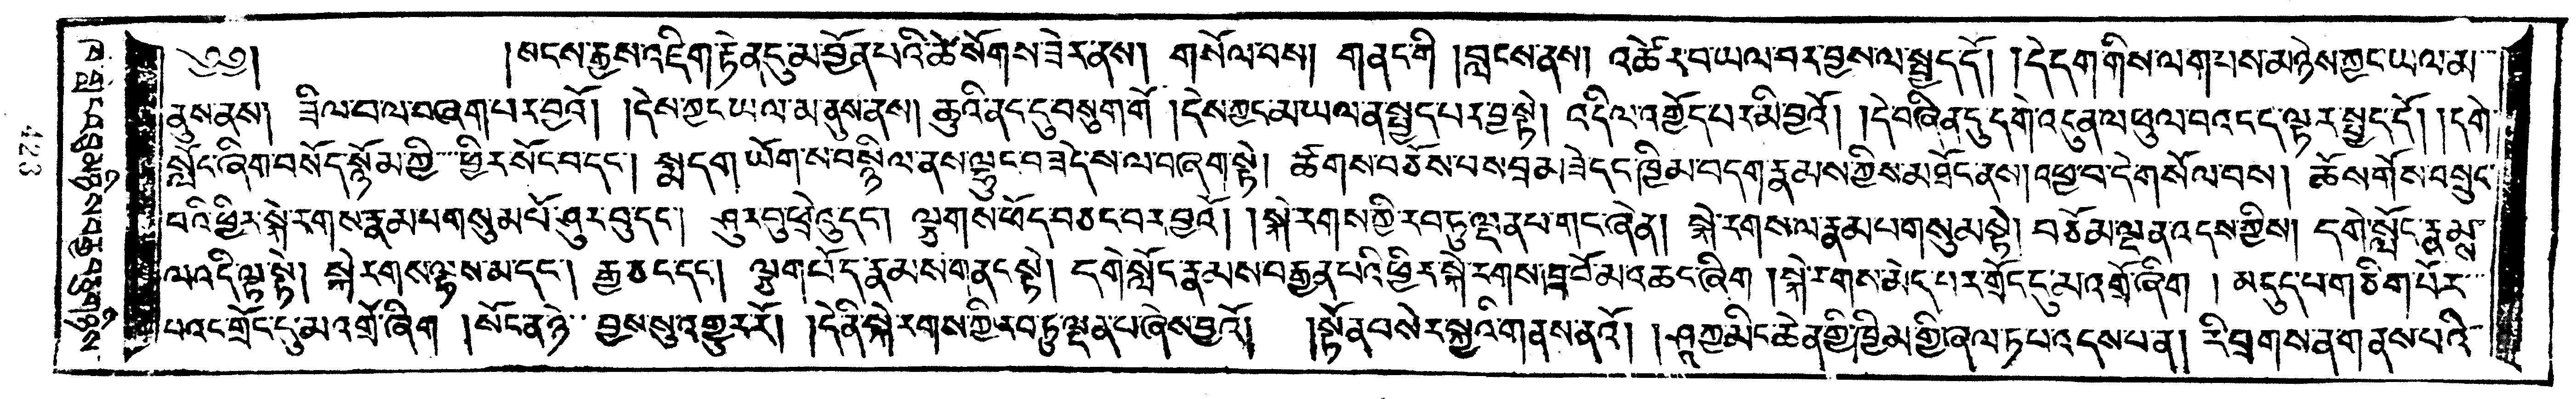༄༅། །སངས་རྒྱས་འཇིག་རྟེན་དུ་མ་བྱོན་པའི་ཚེ་སོགས་ཟེར་ནས། གསོལ་བས། གནང་གི །བླངས་ནས། འཚེར་བ་ཡལ་བར་བྱས་ལ་སྤྱད་དོ། །དེ་དག་གིས་ལག་པས་མཉེས་ཀྱང་ཡལ་མ་
ནུས་ནས། ཟིལ་བ་ལ་བཞག་པར་བྱའོ། །དེས་ཀྱང་ཡལ་མ་ནུས་ནས། ཆུའི་ནང་དུ་བསུག་གོ །དེས་ཀྱང་མ་ཡལ་ན་སྤྱད་པར་བྱ་སྟེ། འདི་ལ་འགྱོད་པར་མི་བྱའོ། །དེ་བཞིན་དུ་དགེ་འདུན་ལ་ཕུལ་བའང་ད་ལྟར་སྤྱད་དོ། །དགེ་
སློང་ཞིག་བསོད་སྙོམ་ཀྱི་ཕྱིར་སོང་བ་དང་། སྨད་གཡོག་ས་བསྙིལ་ནས་ལྷུང་བཟེད་ས་ལ་བཞག་སྟེ། ཚགས་བཅོས་པས་བྲམ་ཟེ་དང་ཁྱིམ་བདག་རྣམས་ཀྱིས་མཐོང་ནས། འཕྱ་བ་དེ་གསོལ་བས། ཆོས་གོས་བསྲུང་
བའི་ཕྱིར་སྐེ་རགས་རྣམ་པ་གསུམ་པོ་ཤུར་བུ་དང་། ཤུར་བུ་ཕྲེའུ་དང་། ལྕགས་ཕོད་བཅང་བར་བྱའོ། །སྐེ་རགས་ཀྱི་རབ་ཏུ་ལྡན་པ་གང་ཞེན། སྐེ་རགས་ལ་རྣམ་པ་གསུམ་སྟེ། བཅོམ་ལྡན་འདས་ཀྱིས། དགེ་སློང་རྣམས་
ལ་འདི་ལྟ་སྟེ། སྐེ་རགས་ལྷས་མ་དང་། རྒྱ་ཅང་དང་། ལྕག་པོད་རྣམས་གནང་སྟེ། དགེ་སློང་རྣམས་བརྒྱན་པའི་ཕྱིར་སྐེ་རགས་བྲ་བོ་མ་འཆང་ཞིག །སྐེ་རགས་མེད་པར་གྲོང་དུ་མ་འགྲོ་ཞིག །མདུད་པ་གཅིག་པོར་
པའང་གྲོང་དུ་མ་འགྲོ་ཞིག །སོང་ན་ཉེ་བྱས་སུ་འགྱུར་རོ། །དེ་ནི་སྐེ་རགས་ཀྱི་རབ་ཏུ་ལྡན་པ་ཞེས་བྱའོ། །སྟོན་པ་སེར་སྐྱའི་གནས་ནའོ། །ཤཱཀྱ་མིང་ཆེན་གྱི་ཁྱིམ་གྱི་ཞལ་ཏ་པ་འདས་པ་ན། རི་བྲགས་ན་གནས་པའི་